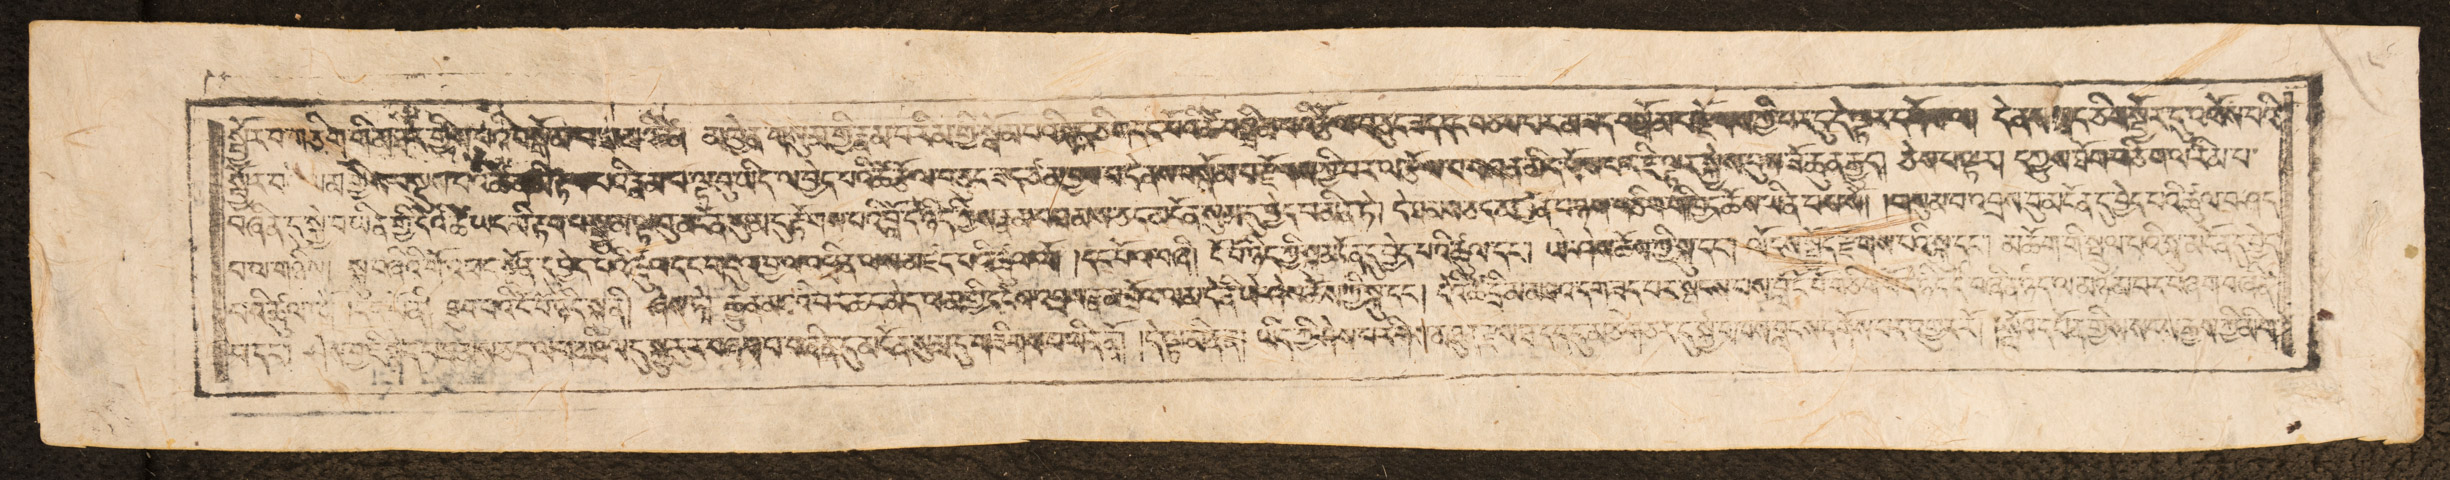སྦྱོར་བ་གཅིག་གི་མཐར་གྱིས་པའི་བསྒོམ་པ་ཐ་མའི་ཚེ། མཁྱེན་གསུམ་གྱི་རྣམ་པ་རིམ་གྱི་སྒོམ་པའི་སྐད་ཅིག་དང་པོའི་ཚེ་བསྒྲིམ་པའི་རྩོལ་བ་ཅུང་ཟད་དང་བཅས་པར་མ་ཟད་བསྒོམ་པ་རྫོགས་ཀྱི་བར་དུ་དེ་ལྟར་དགོས་ལ། དེ་ནས་སྐད་ཅིག་སྦྱོར་དུ་འཕོས་པའི་
སྦྱོར་བའི་ལམ་གྱིས་བསྡུས་པའི་ཚེ་ན་མི་རྟག་པའི་རྣམ་པ་ལྟ་བུ་ཡིད་ལ་བྱེད་པའི་ཚེ་རྩོལ་བ་ཅུང་ཟད་ཙམ་བྱས་པ་དེ་ནས་བསྒོམ་པ་རྫོགས་ཀྱི་བར་ལ་རྩོལ་བ་གཞན་མི་དགོས་པར་ཇི་ལྟར་སྐྱེས་བུས་ཟོ་ཆུན་རྒྱུད། ཅེས་པ་ལྟར། དཀྱུས་ཐོག་གཅིག་ལ་རིམ་པ་
བཞིན་དུ་སྐྱེ་བ་ཡིན་གྱི་དེའི་ཚེ་ཡང་མི་རྟག་པ་སྒྱུ་མ་ལྟ་བུ་མངོན་སུམ་དུ་རྟོགས་པའི་བློ་དེ་ཉིད་ཀྱིས་རྣམ་པ་ཐམས་ཅད་མངོན་སུམ་དུ་བྱེད་པ་མིན་ཏེ། དེ་ཐམས་ཅད་མཁྱེན་པ་ཉག་གཅིག་གི་ཁྱད་ཆོས་ཡིན་པས་སོ། །གསུམ་པ་འབྲས་བུ་མངོན་དུ་བྱེད་པའི་ཚུལ་བཤད་
པ་ལ་གཉིས། སྐུ་བཞིའི་གོ་འཕང་སྔོན་དུ་བྱེད་པའི་ཚུལ་དང་གདུལ་བྱ་ལ་འཕྲིན་ལས་མཛད་པའི་ཚུལ་ལོ། །དང་པོ་ལ་བཞི། ངོ་བོ་ཉིད་ཀྱི་སྐུ་མངོན་དུ་བྱེད་པའི་ཚུལ་དང་། ཡེ་ཤེས་ཆོས་ཀྱི་སྐུ་དང་། ལོངས་སྤྱོད་རྫོགས་པའི་སྐུ་དང་། མཆོག་གི་སྤྲུལ་པའི་སྐུ་མངོན་དུ་བྱེད་
པའི་ཚུལ་ལོ། །དང་པོ་ནི། ཐུབ་པའི་ངོ་བོ་ཉིད་སྐུ་ནི། ཞེས་ཏེ། རྒྱུན་མཐའི་བར་ཆད་མེད་ལམ་གྱི་དངོས་འབྲས་རྣམ་གྲོལ་ལམ་དེ་ནི་ཡེ་ཤེས་ཆོས་ཀྱི་སྐུ་དང་། དེའི་ཚེ་དྲི་མ་མཐའ་དག་ཟད་པར་སྤངས་པས་བློ་ངོ་བོ་གཅིག་པོ་དེ་ཉིད་དེ་བཞིན་ཉིད་ལ་མཉམ་པར་བཞག་བཞིན་
པ་དང་། ཤེས་བྱ་ཇི་སྙེད་པ་ཐམས་ཅད་ལག་མཐིལ་དུ་སྐྱུ་རུར་བཞག་པ་བཞིན་དུ་མངོན་སུམ་དུ་གཟིགས་པ་ཡིན་ནོ། །དེ་ལྟ་མིན་ན། ཡིད་ཀྱི་ཤེས་པ་རིགས་མཐུན་རྫས་ཐ་དད་དུ་མ་ཅིག་ཅར་དུ་སྐྱེ་བ་ཁས་བླངས་དགོས་པར་འགྱུར་རོ། །སློབ་དཔོན་གྱིས་སངས་རྒྱས་ཀྱི་མིག་